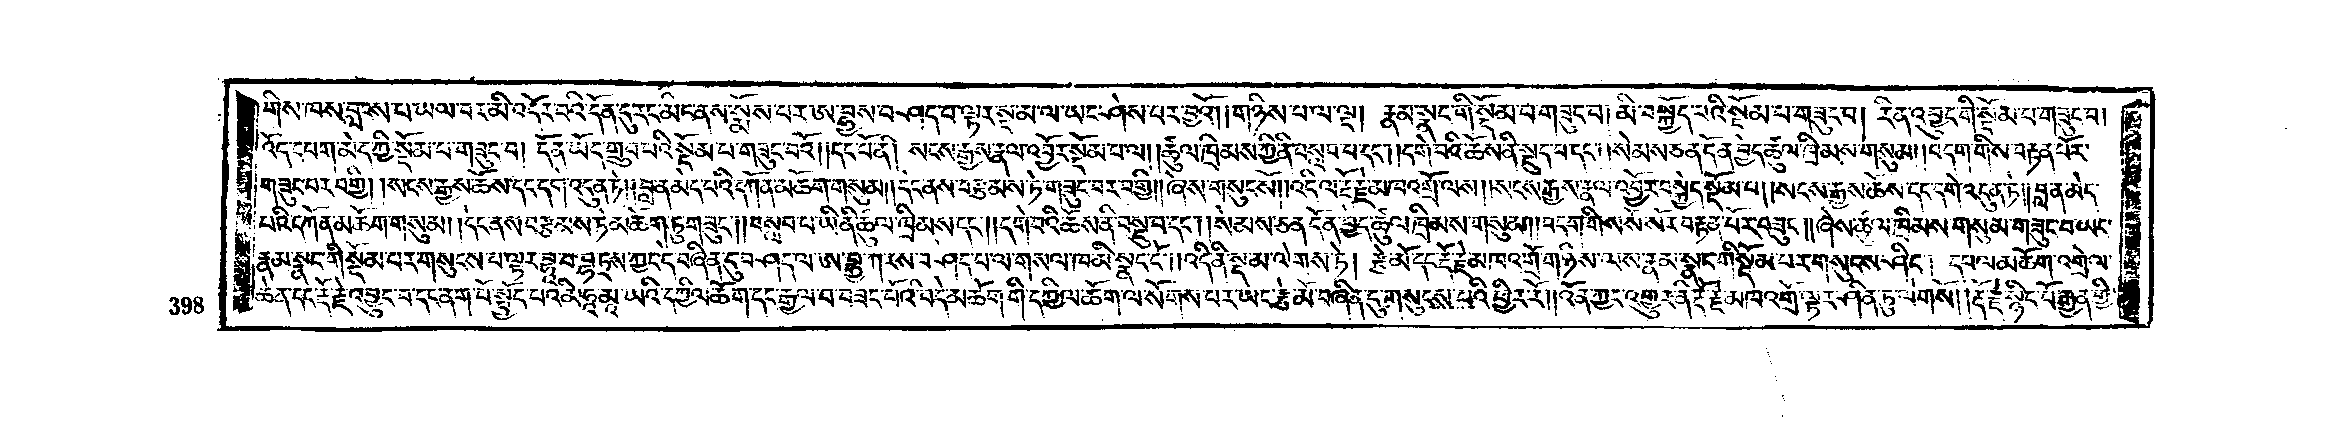གིས་ཁས་བླབས་པ་ཡལ་བར་མི་འདོར་བའི་དོན་དུ་རང་མིང་ནས་སྨོས་པར་ཨ་བྷྱས་བཤད་པ་ལྟར་སྔ་མ་ལ་ཡང་ཤེས་པར་བྱའོ། །གཉིས་པ་ལ་ལྔ། རྣམ་སྣང་གི་སྡོམ་པ་གཟུང་བ། མི་བསྐྱོད་པའི་སྡོམ་པ་གཟུང་བ། རིན་འབྱུང་གི་སྡོམ་པ་གཟུང་བ།
འོད་དཔག་མེད་ཀྱི་སྡོམ་པ་གཟུང་བ། དོན་ཡོད་གྲུབ་པའི་སྡོམ་པ་གཟུང་བའོ། །དང་པོ་ནི། སངས་རྒྱས་རྣལ་འབྱོར་སྡོམ་པ་ལ། །ཚུལ་ཁྲིམས་ཀྱི་ནི་བསླབ་པ་དང་། །དགེ་བའི་ཆོས་ནི་སྡུད་པ་དང་། །སེམས་ཅན་དོན་བྱེད་ཚུལ་ཁྲིམས་གསུམ། །བདག་གིས་བརྟན་པོར་
གཟུང་བར་བགྱིད། །སངས་རྒྱས་ཆོས་དང་དགེ་འདུན་ཏེ། །བླ་ན་མེད་པའི་དཀོན་མཆོག་གསུམ། །དེང་ནས་བརྩམས་ཏེ་གཟུང་བར་བགྱི། །ཞེས་གསུངས་སོ། །འདི་ལ་རྡོ་རྗེ་མཁའ་འགྲོ་ལས། །སངས་རྒྱས་རྣལ་འབྱོར་བསྐྱེད་སྡོམ་པ། །སངས་རྒྱས་ཆོས་དང་དགེ་འདུན་ཏེ། །བླ་ན་མེད་
པའི་དཀོན་མཆོག་གསུམ། །དེང་ནས་བརྩམས་ཏེ་མཆོག་ཏུ་གཟུང་། །བསླབ་པ་ཡི་ནི་ཚུལ་ཁྲིམས་དང་། །དགེ་བའི་ཆོས་ནི་བསྡུ་བ་དང་། །སེམས་ཅན་དོན་བྱེད་ཚུལ་ཁྲིམས་གསུམ། །བདག་གིས་སོ་སོར་བརྟན་པོར་བཟུང་། །ཞེས་ཚུལ་ཁྲིམས་གསུམ་གཟུང་བ་ཡང་
རྣམ་སྣང་གི་སྡོམ་པར་གསུངས་པ་ལྟར་བྷཱ་བ་བྷ་ཏྲས་ཀྱང་དེ་བཞིན་དུ་བཤད་ལ་ཨ་བྷྱ་ཀ་རས་བཤད་པ་ལ་གསལ་ཁ་མི་སྣང་ངོ། །འདི་ནི་སྡ་མ་ལེགས་ཏེ། རྩེ་མོ་དང་རྡོ་རྗེ་མཁའ་འགྲོ་གཉིས་ལས་རྣམ་སྣང་གི་སྡོམ་པར་གསུངས་ཤིང་། དཔལ་མཆོག་འགྲེལ་
ཆེན་དང་རྡོ་རྗེ་འབྱུང་བ་དང་ནག་པོ་སྤྱོད་པའི་མི་ཧཱ་མཱ་ཡའི་དཀྱིལ་ཆོག་དང་རྒྱལ་བ་བཟང་པོའི་བདེ་མཆོག་གི་དཀྱིལ་ཆོག་ལ་སོགས་པར་ཡང་རྩེ་མོ་བཞིན་དུ་གསུངས་པའི་ཕྱིར་རོ། །འོན་ཀྱང་འགྱུར་ནི་རྡོ་རྗེ་མཁའ་འགྲོ་ལྟར་ཤིན་ཏུ་ལེགས་སོ། །རྡོ་རྗེ་སྙིང་པོ་རྒྱན་གྱི་